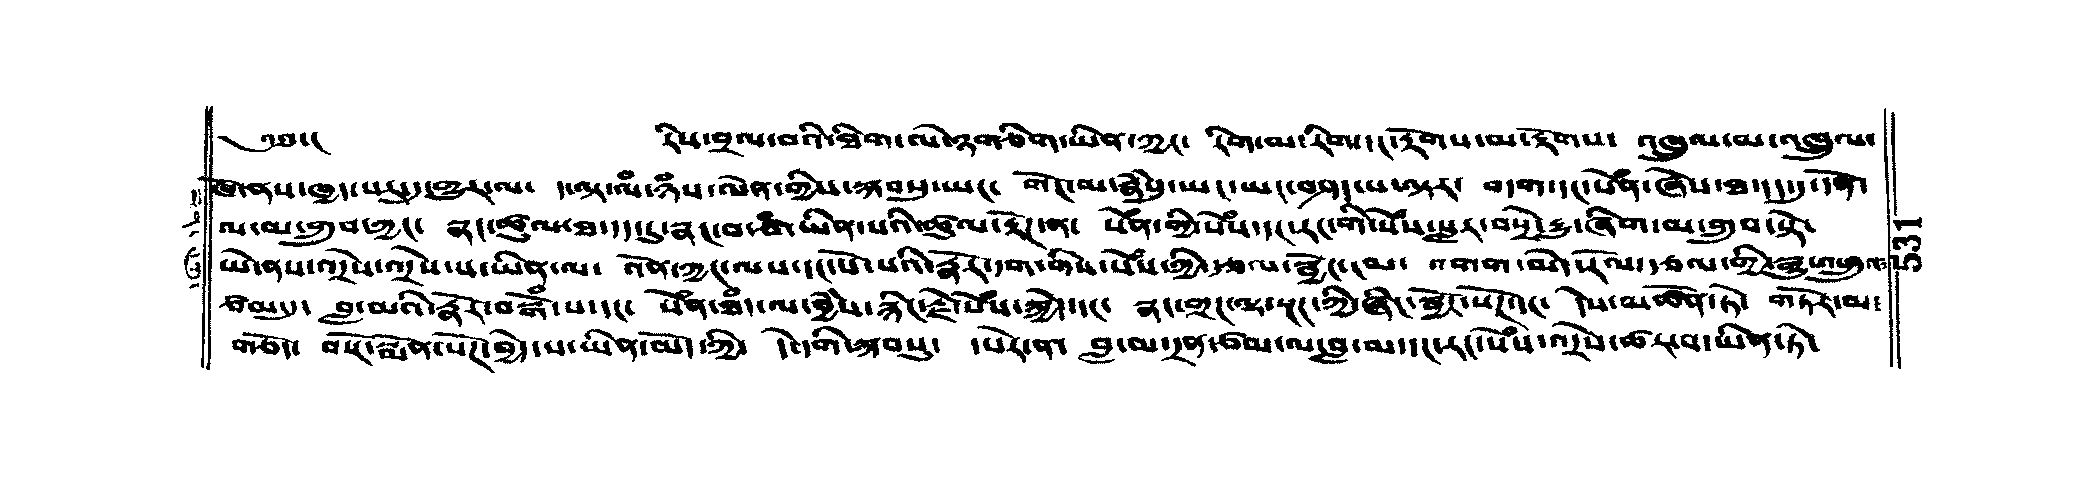རིས་བྲལ་བའི་ཐིག་ལེ་ཉག་གཅིག་ཡིན་ཀྱང་། རིག་མ་རིག་དང་རྟོགས་མ་རྟོགས། འཁྲུལ་མ་འཁྲུལ་
ཁོ་ནས་ཁྱད་པར་དུ་གྱུར་ལ། ད་ལྟ་ལམ་ཉམས་ལེན་གྱིས་སྐབས་སུ་ཡང་། གོང་མ་རྣམས་སུ་ཡང་ཡང་བཤད་པ་ལྟར། བདག་དང་སེམས་ཅན་ཞེས་ཐ་དད་དོན་
ལ་མ་གྲུབ་ཀྱང་། སྣད་ཚུལ་ཐ་དད་དུ་སྣང་བ་ཙམ་ཡིན་པའི་ཚུལ་རྟོགས་ན། སེམས་ཅན་གྱི་སེམས་དང་རང་གི་སེམས་སླར་བསྲེ་རྒྱུ་ཞིག་མ་གྲུབ་སྟེ། 
ཡེ་ནས་འདྲེས་འདྲེས་པ་ཡིན་ལ། འོན་ཀྱང་ལས་དང་པོ་པའི་རྣལ་འབྱོར་དག་གིས་སེམས་ཀྱི་རྩལ་སྦྱོང་ངམ། འགག་མེད་རོལ་རྩལ་གྱི་སྒྱུ་འཕྲུལ་
ཙམ་དུ། བླ་མའི་རྣལ་འབྱོར་བསྒོམ་པ་དང་། སེམས་ཅན་ཐམས་ཅད་ལ་བྱམས་སྙིང་རྗེ་སེམས་སྐྱེད་དང་། སྣང་གྲགས་ལྷ་སྔགས་ཀྱི་ཞིང་སྦྱོར་སོགས་དང་། དེས་མཚོན་ཏེ། གཏོར་མ་
གཅོད། བསྔོ་སྨོན་སོགས་བྱེད་པ་ཡིན་མོད་ཀྱི། དེ་དག་གི་སྐབས་སུ། དཔེར་ན། བླ་མ་དྲན་ཙམ་ལ་བླ་མ་དང་རང་སེམས་འདྲེས་ཚར་བ་ཡིན་ཏེ།